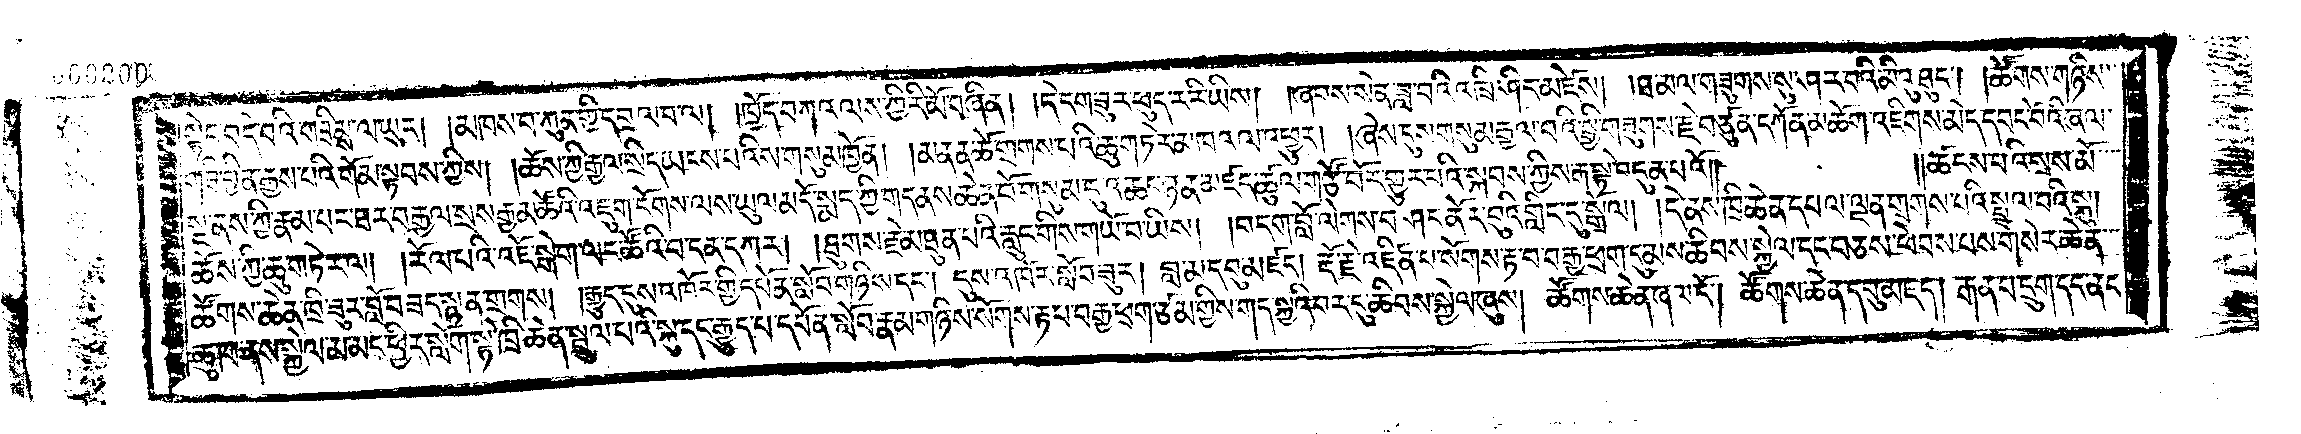སྟེང་བདེ་བའི་གཟིམས་ལ་ཡུར། །མཁས་པ་ཀུན་གྱི་དཔྲལ་བ་ལ། །ཁྱོད་བཀའ་ལས་ཀྱི་རི་མོ་བཞིན། །དེ་དག་ཟུར་ཕུད་ར་རི་ཡིས། །ཞབས་སེན་ཟླ་བའི་འཁྲི་ཤིང་མཛེས། །ཐ་མལ་གཟུགས་སུ་ཤར་བའི་མིའུ་ཐུང་། །ཚོགས་གཉིས་
གཟི་བྱིན་རྒྱས་པའི་གོམ་སྟབས་ཀྱིས། །ཆོས་ཀྱི་རྒྱལ་སྲིད་ཡངས་པའི་ས་གསུམ་ཁྱོན། །མནན་ཚེ་གྲགས་པའི་ཆུ་གཏེར་མཁའ་ལ་འཕྱུར། །ཞེས་དུས་གསུམ་རྒྱལ་བའི་སྤྱི་གཟུགས་རྗེ་བཙུན་དཀོན་མཆོག་འཇིགས་མེད་དབང་པོའི་ཞལ་
སྔ་ནས་ཀྱི་རྣམ་པར་ཐར་པ་རྒྱལ་སྲས་རྒྱ་མཚོའི་འཇུག་ངོགས་ལས་ཡུལ་མདོ་སྨད་ཀྱི་གདན་ས་ཆེན་པོ་གསུམ་དུ་འཆད་ཉན་མཛད་ཚུལ་གཙོ་བོར་གྱུར་པའི་སྐབས་ཀྱི་ས་རྒ་སྟེ་བདུན་པའོ།། །།ཚངས་པའི་སྲས་མོ་
ཆོས་ཀྱི་ཆུ་གཏེར་ལ། །རོལ་པའི་འཇོ་སྒེག་ལང་ཚོའི་པ་དན་དཀར། །ཐུགས་རྗེ་མཐུན་པའི་རླུང་གིས་གཡོ་བ་ཡིས། །བདག་བློ་ལེགས་བཤད་ནོར་བུའི་གླིང་དུ་སྒྲོལ། །དེ་ནས་ཁྲི་ཆེན་དཔལ་ལྡན་གྲགས་པའི་སྤྲུལ་པའི་སྐུ།
ཚོགས་ཆེན་ཁྲི་ཟུར་བློ་བཟང་སྙན་གྲགས། །རྒྱུད་དུས་འཁྲོ་གྱི་དཔོན་སློབ་གཉིས་དང་། དུས་འཁྲོ་སློབ་ཟུར། བླ་མ་དབུ་མཛད། རྡོ་རྗེ་འཛིན་པ་སོགས་རྟ་པ་བརྒྱ་ཕྲག་དུ་མས་ཆིབས་སྐྱེལ་དང་བཅས་ཕེབས་པས་གསེར་ཆེན་
ཆུ་ཁ་ནས་སྐྱེལ་མ་མང་ཕྱིར་སློག་སྟེ་ཁྲི་ཆེན་སྤྲུལ་པའི་སྐུ་དང་རྒྱུད་པ་དཔོན་སློབ་རྣམ་གཉིས་སོགས་རྟ་པ་བརྒྱ་ཕྲག་ཙམ་གྱིས་གད་སྐྱའི་བར་དུ་ཆིབས་སྐྱེལ་ཞུས། ཚོགས་ཆེན་ཞལ་ངོ། ཚོགས་ཆེན་དབུ་མཛད། རྒན་པ་དྲུག་དང་ནང་